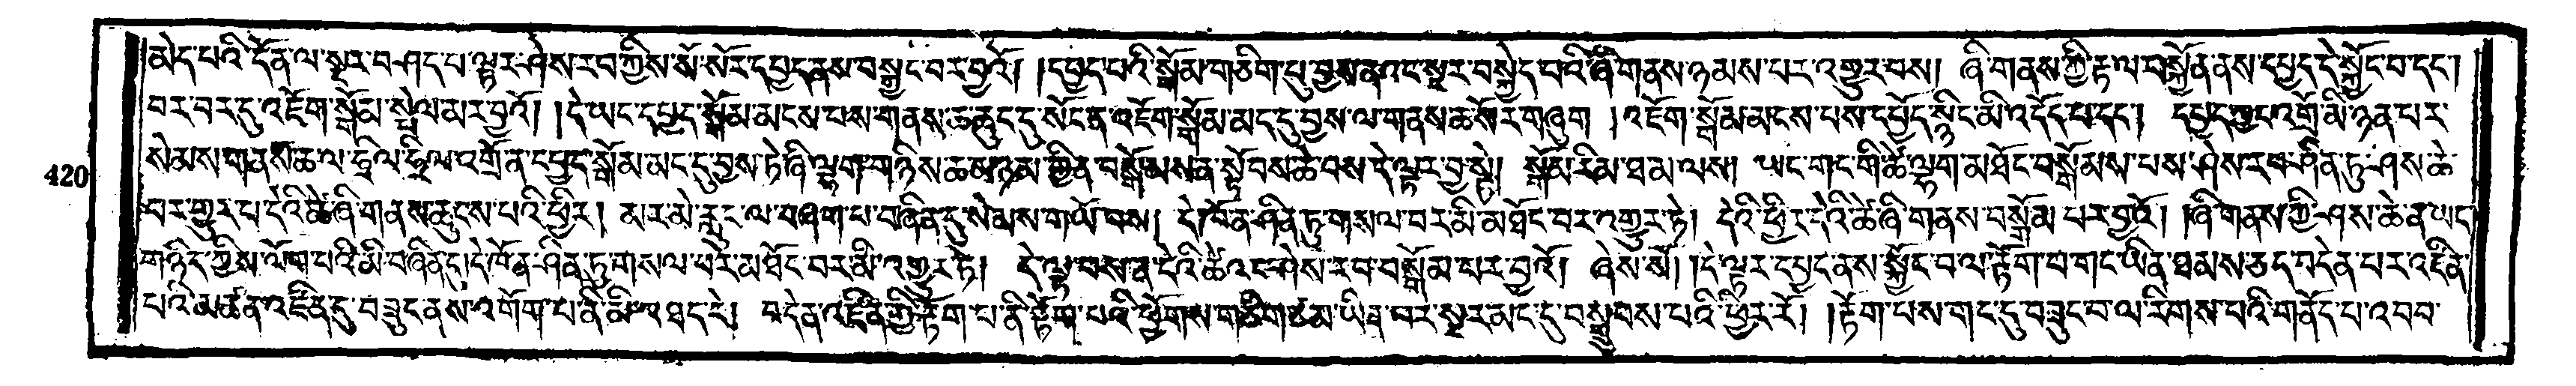མེད་པའི་དོན་ལ་སྔར་བཤད་པ་ལྟར་ཤེས་རབ་ཀྱིས་སོ་སོར་དཔྱད་ནས་བསྒྱང་བར་བྱའོ། །དཔྱད་པའི་སྒོམ་གཅིག་པུ་བྱས་ནའང་སྔར་བསྐྱེད་པའི་ཞི་གནས་ཉམས་པར་འགྱུར་བས། ཞི་གནས་ཀྱི་རྟ་ལ་བསྐྱོན་ནས་དཔྱད་དེ་སྐྱོང་བ་དང་།
བར་བར་དུ་འཇོག་སྒོམ་སྤེལ་མར་བྱའོ། །དེ་ཡང་དཔྱད་སྒོམ་མངས་པས་གནས་ཆ་ཆུང་དུ་སོང་ན་འཇོག་སྒོམ་མང་དུ་བྱས་ལ་གནས་ཆ་སོར་གཞུག །འཇོག་སྒོམ་མངས་པས་དཔྱོད་སྙིང་མི་འདོད་པ་དང་། དཔྱད་ཀྱང་འགྲོ་མི་ཉན་པར་
སེམས་གནས་ཆ་ལ་ཧྲིལ་ཧྲིལ་འགྲོ་ན་དཔྱད་སྒོམ་མང་དུ་བྱས་ཏེ་ཞི་ལྷག་གཉིས་ཆམ་ཉམ་གྱིན་བསྒོམས་ན་སྟོབས་ཆེ་བས་དེ་ལྟར་བྱ་སྟེ། སྒོམ་རིམ་ཐ་མ་ལས། ཡང་གང་གི་ཚེ་ལྷག་མཐོང་བསྒོམས་པས་ཤེས་རབ་ཤིན་ཏུ་ཤས་ཆེ་
བར་གྱུར་པ་དེའི་ཚེ་ཞི་གནས་ཆུངས་པའི་ཕྱིར། མར་མེ་རླུང་ལ་བཞག་པ་བཞིན་དུ་སེམས་གཡོ་བས། དེ་ཁོ་ན་ཤིན་ཏུ་གསལ་བར་མི་མཐོང་བར་འགྱུར་ཏེ། དེའི་ཕྱིར་དེའི་ཚེ་ཞི་གནས་བསྒོམ་པར་བྱའོ། །ཞི་གནས་ཀྱི་ཤས་ཆེ་ན་ཡང་
གཉིད་ཀྱིས་ལོག་པའི་མི་བཞིན་དུ། དེ་ཁོ་ན་ཤིན་ཏུ་གསལ་ཕར་མཐོང་བར་མི་འགྱུར་ཏེ། དེ་ལྟ་བས་ན་དེའི་ཚེའང་ཤེས་རབ་བསྒོམ་པར་བྱའོ། ཞེས་སོ། །དེ་ལྟར་དཔྱད་ནས་སྐྱོང་བ་ལ་རྟོག་པ་གང་ཡིན་ཐམས་ཅད་བདེན་པར་འཛིན་
པའི་མཚན་འཛིན་དུ་བཟུང་ནས་འགོག་པ་ནི་མི་འཐད་དེ། བདེན་འཛིན་གྱི་རྟོག་པ་ནི་རྟོག་པའི་ཕྱོགས་གཅིག་ཙམ་ཡིན་པར་སྔར་མང་དུ་བསྒྲུབས་པའི་ཕྱིར་རོ། །རྟོག་པས་གང་དུ་བཟུང་བ་ལ་རིགས་པའི་གནོད་པ་འབབ་